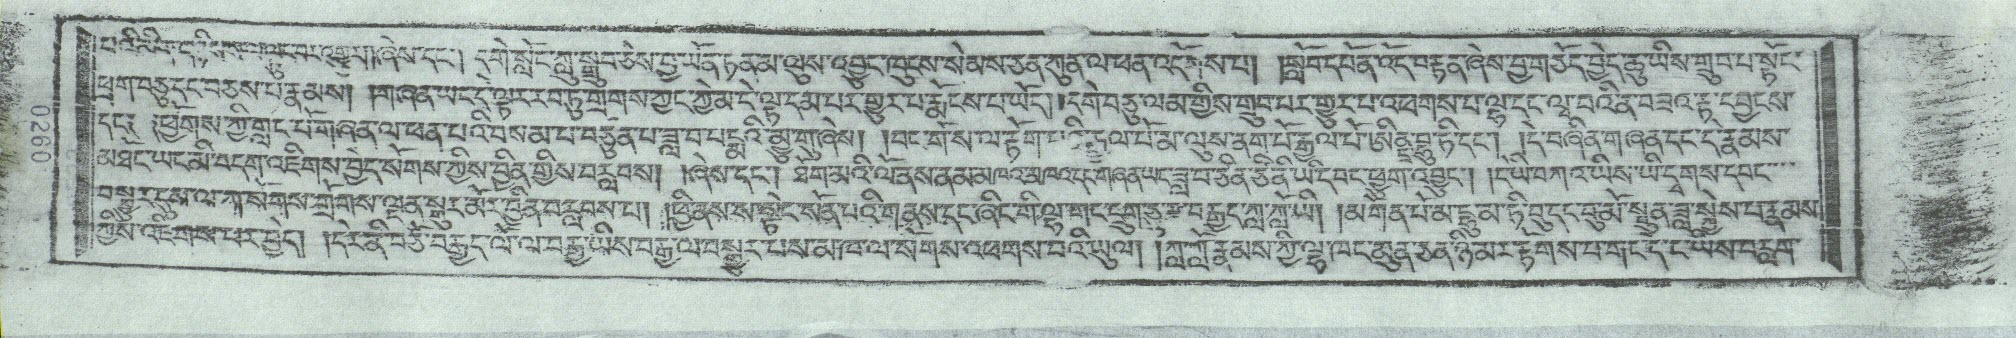པའི་མིག་གཉིས་ལ་ལྟུང་བར་འགྱུར། །ཞེས་དང་། དགེ་སློང་ཀླུ་སྒྲུབ་ཅེས་བྱ་ཡོན་ཏན་མ་ལུས་འབྱུང་ཁུངས་སེམས་ཅན་ཀུན་ལ་ཕན་འདོགས་པ། །སློབ་དཔོན་འོད་བརྟན་ཞེས་བྱ་གཅོད་བྱེད་ཆུ་ཡིས་གྲུབ་པ་སྟོང་
ཕྲག་བཅུ་དང་བཅས་པ་རྣམས། །གཞན་ཡང་དེ་ལྟར་རབ་ཏུ་གྲགས་ཀྱང་ཀྱེ་མ་དེ་ལྟ་དམ་པར་གྱུར་པ་རྨོངས་པ་ཡོད། །དགེ་བཅུ་ལམ་གྱིས་གྲུབ་པར་གྱུར་པ་འཕགས་པ་ལྷ་དང་ལྭ་བའི་ན་བཟའ་རྟ་དབྱངས་
དང༑ ༑ཕྱོགས་ཀྱི་གླང་པོ་གཞན་ལ་ཕན་པའི་བསམ་པ་བཙུན་པ་ཟླ་བ་པདམའི་མྱུ་གུ་ཞེས། །བང་གོ་ས་ལ་རྟོག་པའི་རྒྱལ་པོ་མ་ལུས་ནག་པོ་རྒྱལ་པོ་ཨིནྡྲ་བྷུ་ཏི་དང་། །དེ་བཞིན་གཞན་དང་དེ་རྣམས་
མཐོང་ཡང་མི་བདག་འཇིགས་བྱེད་སོགས་ཀྱིས་བྱིན་གྱིས་བརླབས། །ཞེས་དང་། ཐོག་མའི་ལོ་ནས་ནམ་མཁའ་མཁའ་དང་གཞན་ཡང་ཟླ་བ་ཙིན་ཙི་ནི་ཡི་དབང་ཕྱུག་འབྱུང་། །དེ་ཡི་བཀའ་ཡིས་ཡི་དྭགས་དབང་
བསྒྱུར་དུས་ལ་ཀ་སོགས་གྲོགས་ལྡན་སྒུར་མོར་བྱིན་བརླབས་པ། །ཕྱི་ནས་ས་སྟེང་སོན་པའི་གནས་དང་ཞིང་གི་ལྷ་གང་དྲུག་ཅུ་རྩ་བརྒྱད་ཀླ་ཀློ་ཡི། །མགོན་པོ་མ་དྷུ་མ་ཏི་བུ་དང་བུ་མོ་སྤུན་ཟླ་སྐྱེས་པ་རྣམས་
ཀྱིས་འཇིགས་པར་བྱེད། །དེར་ནི་བཅོ་བརྒྱད་ལོ་ལ་བརྒྱ་ཡིས་བརྒྱ་ལ་བསྒྱུར་པས་མ་ཁ་ལ་སོགས་འཕགས་པའི་ཡུལ། །ཀླ་ཀློ་རྣམས་ཀྱི་ལྷ་ཁང་མུན་ཅན་ཉི་མར་རྟོགས་པ་གང་དེ་ང་ཡིས་བརླག་